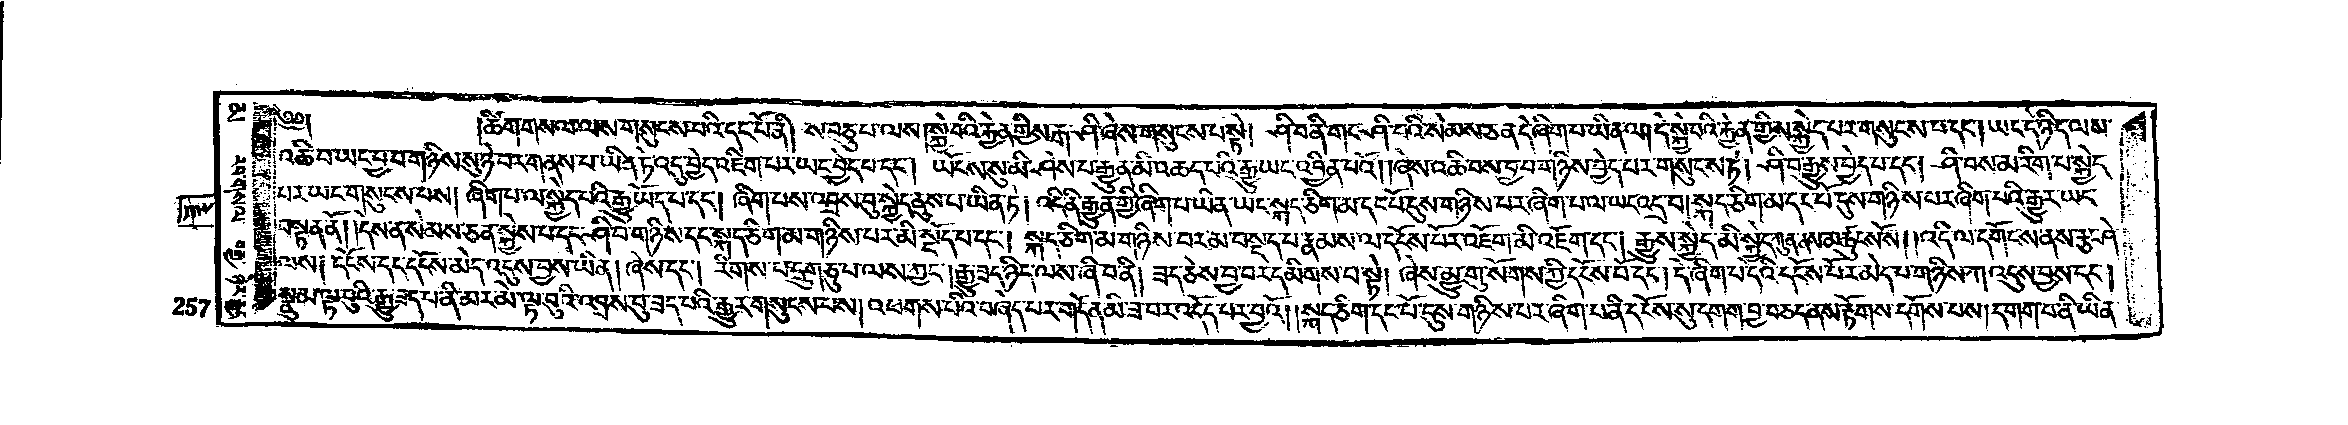༄༅། །ཚིག་གསལ་ལས་གསུངས་པའི་དང་པོ་ནི། ས་བཅུ་པ་ལས། སྐྱེ་བའི་རྐྱེན་གྱིས་རྒ་ཤི་ཞེས་གསུངས་པ་སྟེ། ཤི་བ་ནི་གང་ཤི་བའི་སེམས་ཅན་དེ་ཞིག་པ་ཡིན་ལ། དེ་སྐྱེ་བའི་རྐྱེན་གྱིས་སྐྱེད་པར་གསུངས་པ་དང་། ཡང་དེ་ཉིད་ལས་
འཆི་བ་ཡང་བྱ་བ་གཉིས་སུ་ཉེ་བར་གནས་པ་ཡིན་ཏེ་འདུ་བྱེད་འཇིག་པར་ཡང་བྱེད་པ་དང་། ཡོངས་སུ་མི་ཤེས་པ་རྒྱུན་མི་འཆད་པའི་རྒྱུ་ཡང་འབྱིན་པའོ། །ཞེས་འཆི་བས་བྱ་བ་གཉིས་བྱེད་པར་གསུངས་ཏེ། ཤི་བ་རྒྱུས་བྱེད་པ་དང་། ཤི་བས་མ་རིག་པ་སྐྱེད་
པར་ཡང་གསུངས་པས། ཞིག་པ་ལ་སྐྱེད་པའི་རྒྱུ་ཡོད་པ་དང་། ཞིག་པས་འབྲས་བུ་སྐྱེད་ནུས་པ་ཡིན་ཏེ། འདི་ནི་རྒྱུན་གྱི་ཞིག་པ་ཡིན་ཡང་སྐད་ཅིག་མ་དང་པོ་དུས་གཉིས་པར་ཞིག་པ་ལ་ཡང་འདྲ་ལ། སྐད་ཅིག་མ་དང་པོ་དུས་གཉིས་པར་ཞིག་པའི་རྒྱུར་ཡང་
བསྟན་ནོ། །དེས་ན་སེམས་ཅན་སྐྱེས་པ་དང་ཤི་བ་གཉིས་དང་སྐད་ཅིག་མ་གཉིས་པར་མི་སྡོད་པ་དང་། སྐད་ཅིག་མ་གཉིས་པར་མ་བསྡད་པ་རྣམས་ལ་དངོས་པོར་འཇོག་མི་འཇོག་དང་། རྒྱུས་སྐྱེད་མི་སྐྱེད་ཀུན་ནས་མཚུངས་སོ། །འདི་ལ་དགོངས་ནས་རྩ་ཤེ་
ལས། དངོས་དང་དངོས་མེད་འདུས་བྱས་ཡིན། ཞེས་དང་། རིགས་པ་དྲུག་ཅུ་པ་ལས་ཀྱང་། རྒྱུ་ཟད་ཉིད་ལས་ཞི་བ་ནི། ཟད་ཅེས་བྱ་བར་དམིགས་པ་སྟེ། ཞེས་མྱུ་གུ་སོགས་ཀྱི་དངོས་པོ་དང་། དེ་ཞིག་པ་དེའི་དངོས་པོར་མེད་པ་གཉིས་ཀ་འདུས་བྱས་དང་།
སྣུམ་ལྟ་བུའི་རྒྱུ་ཟད་པ་ནི་མར་མེ་ལྟ་བུའི་འབྲས་བུ་ཟད་པའི་རྒྱུར་གསུངས་པས། འཕགས་པའི་བཞེད་པར་གདོན་མི་ཟ་བར་འདོད་པར་བྱའོ། །སྐད་ཅིག་དང་པོ་དུས་གཉིས་པར་ཞིག་པ་ནི་དངོས་སུ་དགག་བྱ་བཅད་ནས་རྟོགས་དགོས་པས། དགག་པ་ནི་ཡིན་